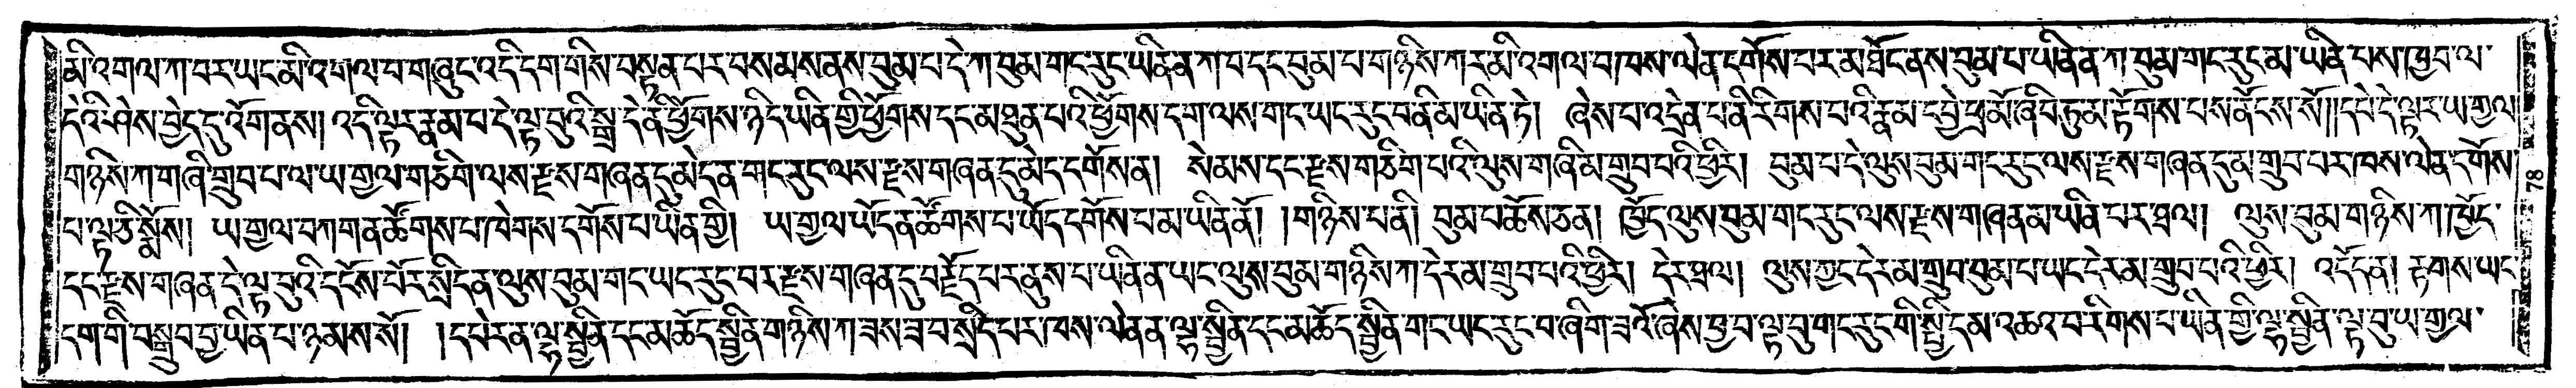མི་འགལ་ཀ་བར་ཡང་མི་འགལ་བ་གཞུང་འདི་དག་གིས་བསྟན་པར་བསམས་ནས་བུམ་པ་དེ་ཀ་བུམ་གང་རུང་ཡིན་ན་ཀ་བ་དང་བུམ་པ་གཉིས་ཀར་མི་འགལ་བ་ཁས་ལེན་དགོས་པར་མཐོང་ནས་བུམ་པ་ཡིན་ན་ཀ་བུམ་གང་རུང་མ་ཡིན་པས་ཁྱབ་ལ་
དེའི་ཤེས་བྱེད་དུ་འོག་ནས། འདི་ལྟར་རྣམ་པ་དེ་ལྟ་བུའི་སྒྲ་དེ་ནི་ཕྱོགས་ཉིད་ཡིན་གྱི་ཕྱོགས་དང་མཐུན་པའི་ཕྱོགས་དག་ལས་གང་ཡང་རུང་བ་ནི་མ་ཡིན་ཏེ། ཞེས་པ་འདྲེན་པ་ནི་རིགས་པའི་རྣམ་དབྱེ་ཕྲ་མོ་ཞིབ་ཏུ་མ་རྟོགས་པས་ནོངས་སོ། །དཔེ་དེ་ལྟར་ཡ་གྱལ་
གཉིས་ཀ་གཞི་གྲུབ་པ་ལ་ཡ་གྱལ་གཅིག་ལས་རྫས་གཞན་དུ་མེད་ན་གང་རུང་ལས་རྫས་གཞན་དུ་མེད་དགོས་ན། སེམས་དང་རྫས་གཅིག་པའི་ལུས་གཞི་མ་གྲུབ་པའི་ཕྱིར། བུམ་པ་དེ་ལུས་བུམ་གང་རུང་ལས་རྫས་གཞན་དུ་མ་གྲུབ་པར་ཁས་ལེན་དགོས་
པ་ལྟ་ཅི་སྨོས། ཡ་གྱལ་བཀག་ན་ཚོགས་པ་ཁེགས་དགོས་པ་ཡིན་གྱི། ཡ་གྱལ་ཡོད་ན་ཚོགས་པ་ཡོད་དགོས་པ་མ་ཡིན་ནོ། །གཉིས་པ་ནི། བུམ་པ་ཆོས་ཅན། ཁྱོད་ལུས་བུམ་གང་རུང་ལས་རྫས་གཞན་མ་ཡིན་པར་ཐལ། ལུས་བུམ་གཉིས་ཀ་ཁྱོད་
དང་རྫས་གཞན་དེ་ལྟ་བུའི་དངོས་པོར་སྲིད་ན་ལུས་བུམ་གང་ཡང་རུང་བར་རྫས་གཞན་དུ་བརྗོད་པར་ནུས་པ་ཡིན་ན་ཡང་ལུས་བུམ་གཉིས་ཀ་དེར་མ་གྲུབ་པའི་ཕྱིར། དེར་ཐལ། ལུས་ཀྱང་དེར་མ་གྲུབ་བུམ་པ་ཡང་དེར་མ་གྲུབ་པའི་ཕྱིར། འདོད་ན། རྟགས་ཡང་
དག་གི་བསྒྲུབ་བྱ་ཡིན་པ་ཉམས་སོ། །དཔེར་ན་ལྷ་སྦྱིན་དང་མཆོད་སྦྱིན་གཉིས་ཀ་ཟས་ཟ་བ་སྲིད་པར་ཁས་ལེན་ན་ལྷ་སྦྱིན་དང་མཆོད་སྦྱིན་གང་ཡང་རུང་བ་ཞིག་ཟའོ་ཞེས་བྱ་བ་ལྟ་བུ་གང་རུང་གི་སྤྱི་དམ་འཆའ་བ་རིགས་པ་ཡིན་གྱི་ལྷ་སྦྱིན་ལྟ་བུ་ཡ་གྱལ་